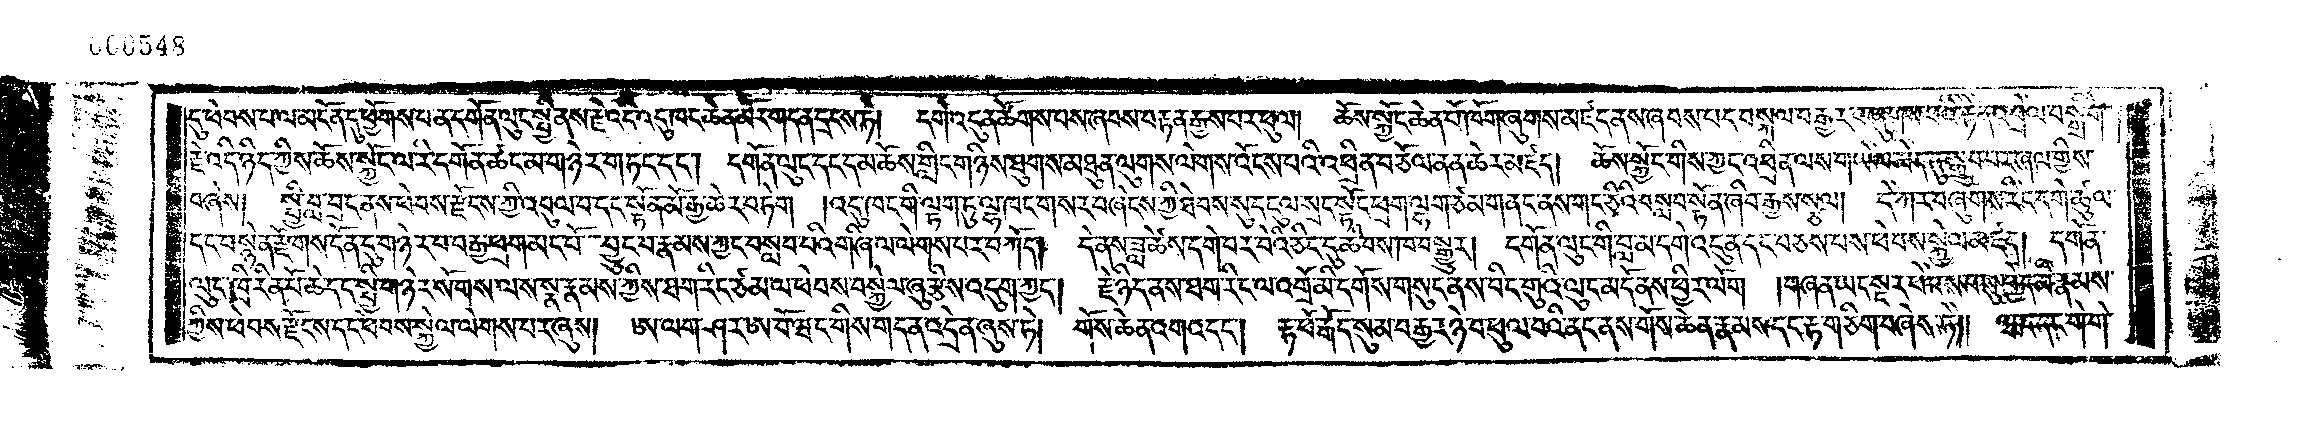དུ་ཕེབས་པ་ལ་མངོན་དུ་ཕྱོགས་པ་ན་དགོན་ལུང་སྤྱི་ནས་རྗེ་འདི་འདུ་ཁང་ཆེན་མོར་གདན་དྲངས་ཏེ། དགེ་འདུན་ཚོགས་བས་ཞབས་བརྟན་རྒྱས་བར་ཕུལ། ཆོས་སྐྱོང་ཆེན་པོ་ཁོག་ཞུགས་མཛད་ནས་ཞབས་པད་བསྐལ་བརྒྱར་བཞུགས་པའི་རྟེན་འབྲེལ་བསྒྲིག།
རྗེ་འདི་ཉིད་ཀྱིས་ཆོས་སྐྱོང་ལ་རི་དགོན་ཚང་མ་གཉེར་གཏང་དང་། དགོན་ལུང་དང་དམ་ཆོས་གླིང་གཉིས་ཐུགས་མཐུན་ལུགས་ལེགས་འོངས་བའི་འཕྲིན་བཅོལ་ནན་ཆེར་མཛད། ཆོས་སྐྱོང་གིས་ཀྱང་འཕྲིན་ལས་གཡེལ་མེད་དུ་སྒྲུབ་པར་ཞལ་གྱིས་
བཞེས། སྤྱི་བླ་བྲང་ནས་ཕེབས་རྫོང་ཀྱི་འབུལ་བ་དང་སྟོན་མོ་རྒྱ་ཆེར་བཏེག །དཱུ་ཁང་གི་ལྟག་ཏུ་ལྷ་ཁང་གསར་བཞེངས་ཀྱི་ཐེབས་སུ་དངུལ་སྲད་སྟོང་ཕྲག་ལྷག་ཙམ་གནང་ནས་གང་ཅིའི་བསླབ་སྟོན་ཞིབ་རྒྱས་སྩལ། དེ་ཀར་བཞུགས་རིང་དགེ་ཚུལ་
དང་བསྙེན་རྫོགས་དོན་དུ་གཉེར་བ་བརྒྱ་ཕྲག་མང་པོ་བྱུང་པ་རྣམས་ཀྱང་བསླབ་པའི་གཞི་ལ་ལེགས་པར་བཀོད། དེ་ནས་ཟླ་ཚེས་དགེ་བར་བེའི་ཅིང་དུ་ཆིབས་ཁ་བསྒྱུར། དགོན་ལུང་གི་བླ་མ་དགེ་འདུན་དང་བཅས་པས་ཕེབས་སྐྱེལ་མཛད། དགོན་
ལུང་ཁྲི་རིན་པོ་ཆེ་དང་སྤྱི་གཉེར་སོགས་ལས་སྣ་རྣམས་ཀྱིས་ཐག་རིང་ཙམ་ལ་ཕེབས་བསྐྱེལ་ཞུ་རྩིས་འདུག་ཀྱང་། རྗེ་ཉིད་ནས་ཐག་རིང་ལ་འགྲོ་མི་དགོས་གསུང་ནས་བིང་གུའི་ལུང་མདོ་ནས་ཕྱིར་ལོག །གཞན་ཡང་སྔར་ཕེབས་བསུ་བྱེད་མི་རྣམས་
ཀྱིས་ཕེབས་རྫོངས་དང་ཕེབས་སྐྱེལ་ལེགས་པར་ཞུས། ཨ་ལག་ཤར་ཨ་བོ་ཝང་གིས་གདན་འདྲེན་ཞུས་ཏེ། གོས་ཆེན་འགའ་དང་། རྟ་ཕོ་རྒོད་སུམ་བརྒྱར་ཉེ་བ་ཕུལ་བའི་ནང་ནས་གོས་ཆེན་རྣམས་དང་རྟ་གཅིག་བཞེས་ཏེ། ཝང་དང་གེ་གེ་